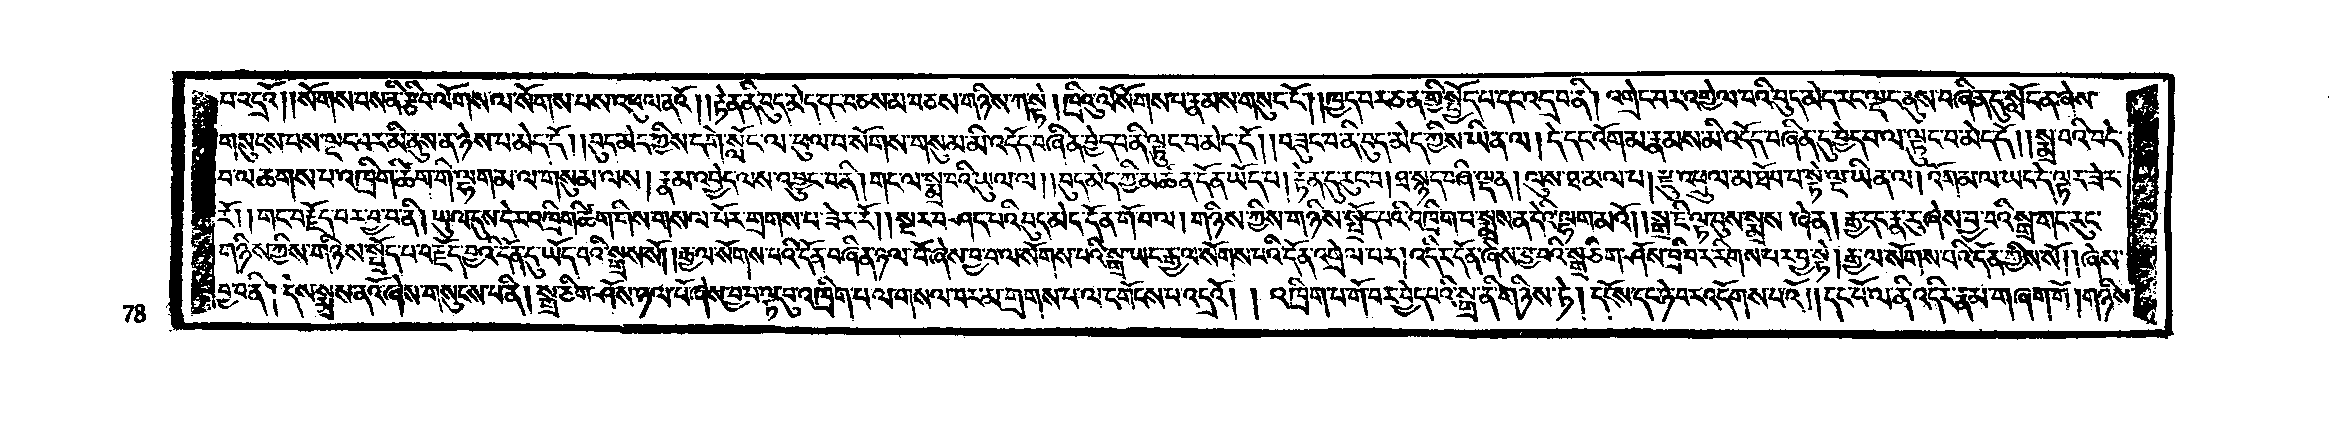པ་འདྲའོ། །སོགས་པས་ནི་རྩིབ་ལོགས་ལ་སོགས་པས་འཕུལ་ནའོ། །རྟེན་ནི་བུད་མེད་དང་བཅས་མ་བཅས་གཉིས་ཀ་སྟེ། ཁྲིའུ་ལ་སོགས་པ་རྣམས་གསུང་ངོ། །ཁྱད་པར་ཅན་གྱི་སྤྱོད་པ་དང་འདྲ་བ་ནི། འགྲེང་བར་འགྱེལ་བའི་བུད་མེད་རང་ལྡང་ནུས་བཞིན་དུ་སློང་ན་ཞེས་
གསུངས་པས་ལྡང་བར་མི་ནུས་ན་ཉེས་པ་མེད་དོ། །བུད་མེད་ཀྱིས་དགེ་སློང་ལ་ཕུལ་བ་སོགས་གསུམ་མི་འདོད་བཞིན་བྱེད་པ་ནི་ལྟུང་བ་མེད་དོ། །བཟུང་བ་ནི་བུད་མེད་ཀྱིས་ཡིན་ལ། དེ་དང་འོག་མ་རྣམས་མི་འདོད་བཞིན་དུ་བྱེད་པ་ལ་ལྟུང་བ་མེད་དོ། །སྨྲ་བའི་བདེ་
བ་ལ་ཆགས་པ་འཁྲིག་ཚིག་གི་ལྷག་མ་ལ་གསུམ་ལས། རྣམ་འབྱེད་ལས་འབྱུང་བ་ནི། གང་ལ་སྨྲ་བའི་ཡུལ་ལ། །བུད་མེད་ཀྱི་མཚན་དོན་ཡོད་པ། རྟེན་དུ་རུང་བ། ཐ་སྙད་བཞི་ལྡན། ལུས་ཐ་མལ་པ། རྫུ་འཕྲུལ་མ་ཐོབ་པ་སྟེ་ལྔ་ཡིན་ལ། འོག་མ་ལ་ཡང་དེ་ལྟར་ཟེར་
རོ། །གང་བརྗོད་པར་བྱ་བ་ནི། ཡུལ་དུས་དེར་འཁྲིག་ཚིག་གིས་གསལ་པོར་གྲགས་པ་ཟེར་རོ། །སྔར་བཤད་པའི་བུད་མེད་དོན་གོ་བ་ལ། གཉིས་ཀྱིས་གཉིས་སྤྲོད་པའི་འཁྲིག་པ་སྨྲས་ན་དེའི་ལྷག་མའོ། །སྒྲ་ཇི་ལྟ་བུས་སྨྲས་ཞེ་ན། རྒྱ་དང་རྣ་རུ་ཞེས་བྱ་བའི་སྒྲ་གང་རུང་
གཉིས་ཀྱིས་གཉིས་སྤྲོད་པ་བརྗོད་བྱའི་དོན་དུ་ཡོད་པའི་སྒྲས་སོ། །རྒྱ་ལ་སོགས་པའི་དོན་བཞིན་ཉལ་པོ་ཞེས་བྱ་བ་ལ་སོགས་པའི་སྒྲ་ཡང་རྒྱ་ལ་སོགས་པའི་དོན་འགྲེལ་པར། འདིར་དོན་ཞེས་བྱ་བའི་སྒྲ་ཅིག་ཤོས་བྲི་བར་རིགས་པར་བྱ་སྟེ། རྒྱ་ལ་སོགས་པའི་དོན་གྱིས་སོ། །ཞེས་
བྱ་བ་ནི། དེས་སྨྲས་ནའོ་ཞེས་གསུངས་པ་ནི། སྒྲ་ཅིག་ཤོས་ཉལ་པོ་ཞེས་བྱ་བ་ལྟ་བུ་འཁྲིག་པ་ལ་གསལ་བར་མ་གྲགས་པ་ལ་དགོངས་པ་འདྲའོ། །འཁྲིག་པ་གོ་བར་བྱེད་པའི་སྒྲ་ནི་གཉིས་ཏེ། དངོས་དང་ཉེ་བར་འདོགས་པའོ། །དང་པོ་ལ་ནི་འདིར་རྣམ་གཞག་གོ །གཉིས་